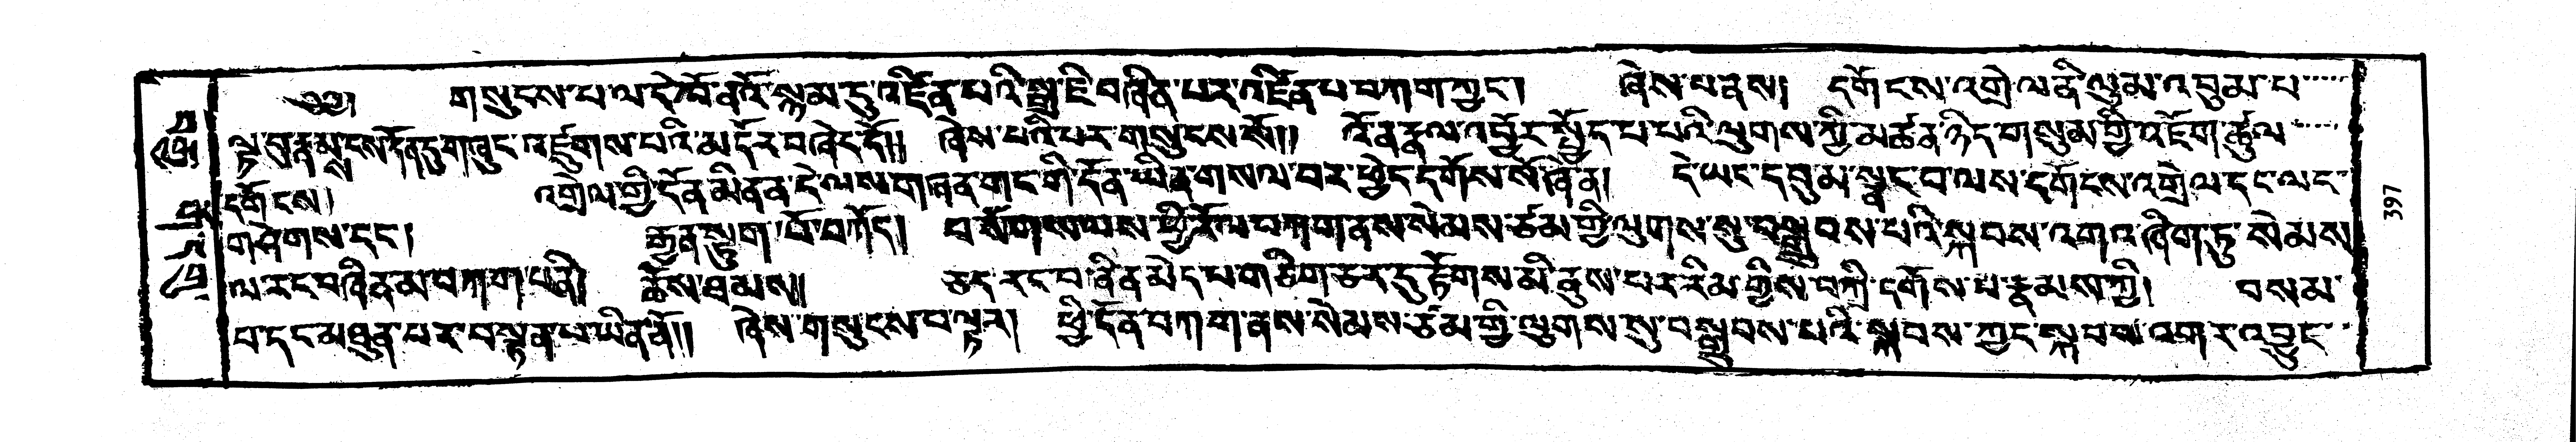༄༅། །གསུངས་པ་ལ་དེ་ཁོ་ནའོ་སྙམ་དུ་འཛིན་པའི་སྒྲ་ཇི་བཞིན་པར་འཛིན་པ་བཀག་ཀྱང་། ཞེས་པ་ནས། དགོངས་འགྲེལ་ནི་ལུམ་འབུམ་པ་
ལྟ་བུ་རྣམས་ངས་དོན་དུ་གཞུང་འཛུགས་པའི་མདོར་བཞེད་དོ།། ཞེས་པའི་པར་གསུངས་སོ།། འོ་ན་རྣལ་འབྱོར་སྤྱོད་པ་པའི་ལུགས་ཀྱི་མཚན་ཉིད་གསུམ་གྱི་འཇོག་ཚུལ་
དགོངས། འགྲེལ་གྱི་དོན་མིན་ན་དེ་ལས་གཞན་གང་གི་དོན་ཡིན་གསལ་བར་ཕྱེད་དགོས་སོ་ཞེ་ན། དེ་ཡང་དབུ་མ་སྣང་བ་ལས་དགོངས་འགྲེལ་དང་ལང་
གཤེགས་དང་། རྒྱན་སྟུག་པོ་བཀོད་པ་སོགས་ལས་ཕྱི་རོལ་བཀག་ནས་སེམས་ཙམ་གྱི་ལུགས་སུ་བསྒྲུབས་པའི་སྐབས་འགའ་ཞིག་ཏུ་སེམས་
ལ་རང་བཞིན་མ་བཀག་པ་ནི། ཆོས་ཐམས་ཅད་རང་བཞིན་མེད་པ་གཅིག་ཅར་དུ་རྟོགས་མི་ནུས་པར་རིམ་གྱིས་བཀྲི་དགོས་པ་རྣམས་ཀྱི། བསམ་
པ་དང་མཐུན་པར་བསྟན་པ་ཡིན་ནོ།། ཞེས་གསུངས་པ་ལྟར། ཕྱི་དོན་བཀག་ནས་སེམས་ཙམ་གྱི་ལུགས་སུ་བསྒྲུབས་པའི་སྐབས་ཀྱང་སྐབས་འགར་འབྱུང་